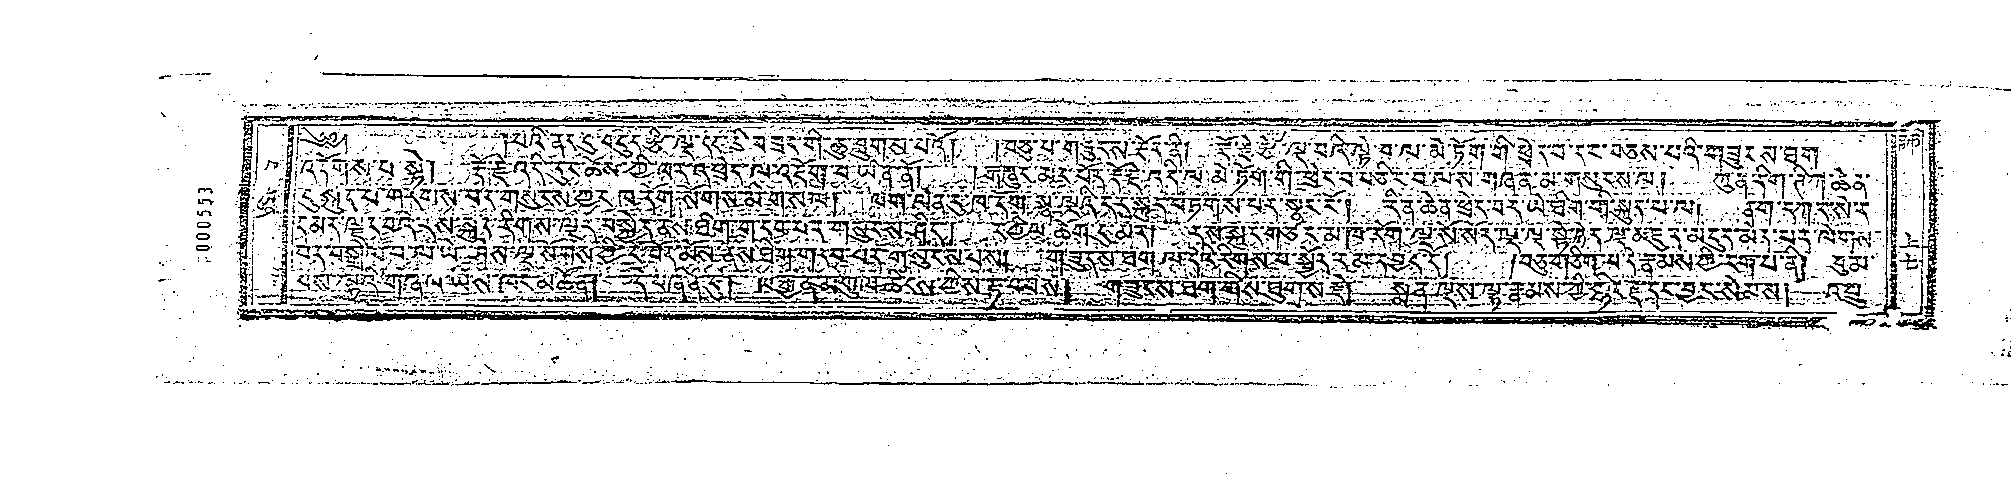༄༅། །པའི་ནང་དུ་བདུད་རྩི་ལྔ་དང་དྲི་བཟང་གི་ཆུ་བླུགས་པའོ། །བཅུ་པ་གཟུངས་རྡོར་ནི། རྡོ་རྗེ་རྩེ་ལྔ་པའི་ལྟེ་བ་ལ་མེ་ཏོག་གི་ཕྲེང་བ་དང་བཅས་པའི་གཟུངས་ཐག་
འདོགས་པ་སྟེ། རྡོ་རྗེ་འདི་དུང་ཆོས་ཀྱི་ཁར་འཕྲེང་ལ་འཇོག་པ་ཡིན་ནོ། །གཞུང་མང་པོར་རྡོ་རྗེ་འདི་ལ་མེ་ཏོག་གི་ཕྲེང་བཅིང་བ་ལས་གཞན་མ་གསུངས་ལ། ཀུན་རིག་ཊི་ཀ་ཆེན་
དུ་སྐུད་པ་གདགས་བར་གསུངས་ཀྱང་ཁ་དོག་སོགས་མི་གསལ། ལག་ལེན་དུ་ཁ་དོག་སྔ་ལྔའི་དར་སྐུད་བཏགས་པར་སྣང་ངོ། རིན་ཆེན་ཕྲེང་བར་ཡེ་ཐིག་གི་སྐུད་པ་ལ། ནག་དཀར་སེར་
དམར་ལྗང་བའི་རས་སྐུད་རིགས་ལྔར་བསྐྱེད་ནས་ཐིག་ག་དབ་པར་གསུངས་ཤིང་། དཀྱིལ་ཆོག་དུ་མར། རས་སྐུད་གཙང་མ་ཁ་དོག་ལྔ་སོ་སོར་ལྔ་ལྔ་སྟེ་ཉིད་ལྔ་མཇུར་མདུད་མེད་པར་ལེགས་
པར་བསྒྲེལ་བ་ལ་ཡེ་ཤེས་ལྔ་སོགས་ཀྱི་ངོ་བོར་མོས་ནས་ཐིག་གདབ་པར་གསུངས་པས། གཟུངས་ཐག་ལ་དེའི་རིགས་པ་སྦྱོར་རམ་དབྱད་དོ། །བཅུ་གཅིག་པ་དེ་རྣམས་ཀྱི་དག་པ་ནི། བུམ་
པས་ལྷའི་གཞལ་ཡས་ཁང་མཚོན། དེ་བཞིན་དུ། །བརྒྱན་མགུལ་ཆིངས་ཀྱིས་རྟ་བབས། གཟུངས་ཐག་གིས་ཐུགས་རྗེ། སྨན་ལྔས་ལྷ་རྣམས་ཀྱི་སྙིང་རྗེ་དང་བྱང་སེམས། འབྲུ་